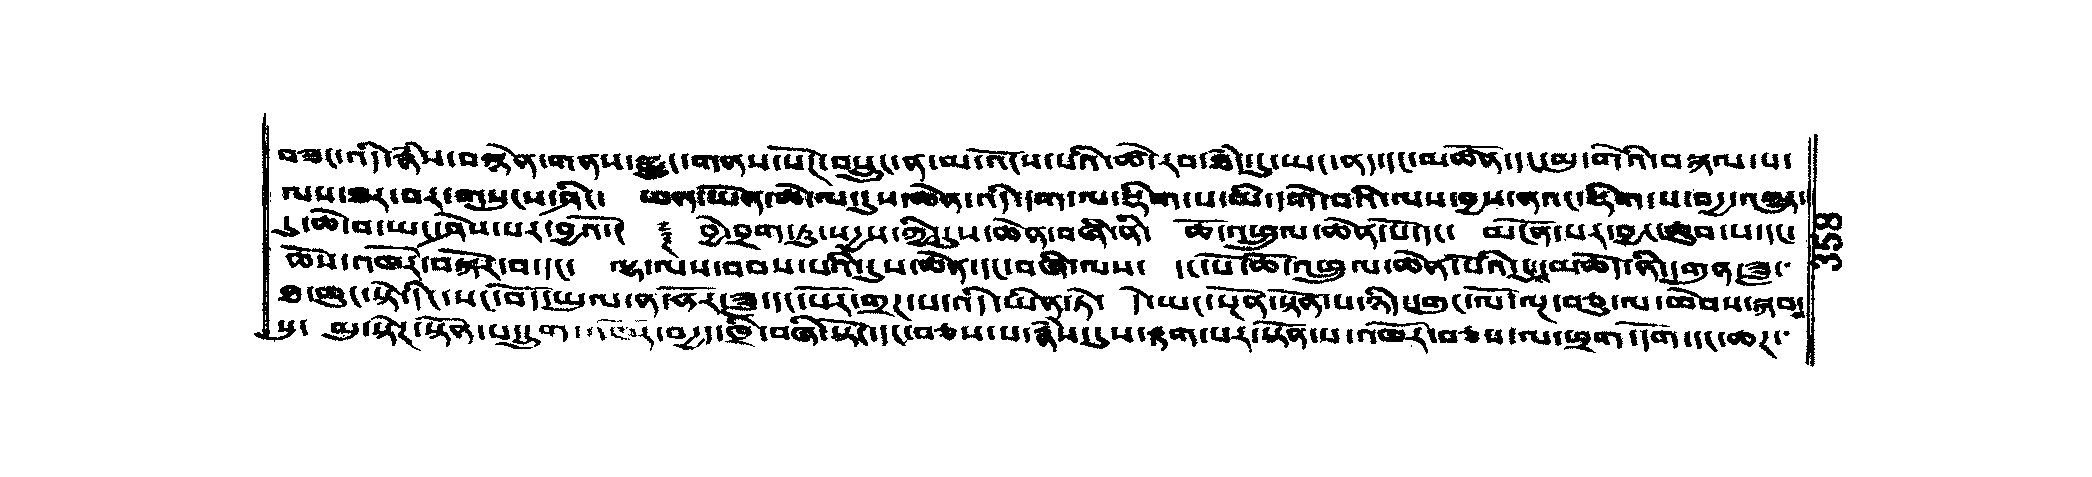འདི་རྣམས་ལ་བསྙེན་གནས་སྨྱུང་གནས་སོགས་བསྲུངས་ན་མ་འོངས་པའི་ཚེ་རབས་ཐམས་ཅད་དུ་ཡང་ནད་དང་མཚོན་དང་མུ་དགེའི་བསྐལ་པ་
ལས་ཐར་བ་གསུངས་ཤིང་། ཕན་ཡོན་ཆེ་ལ་དུས་ཆེན་འདི་དག་ལ་སྡིག་པ་མི་དགེ་བའི་ལས་བྱས་ནའང་སྡིག་པ་བརྒྱ་འགྱུར་
དུ་ཆེ་བ་ཡང་ཤེས་པར་བྱའོ།། ༈ བྱེ་བྲག་ཏུ་སངས་རྒྱས་ཀྱི་དུས་ཆེན་བཞི་ནི། ཆོ་འཕྲུལ་ཆེན་པོ་དང་། མངོན་པར་བྱང་ཆུབ་པ་དང་
ཆོས་འཁོར་བསྐོར་བ་དང་། ལྷ་ལས་བབས་པའི་དུས་ཆེན་དང་བཞི་ལས། དང་པོ་ཆོ་འཕྲུལ་ཆེན་པོའི་དུས་མཆོད་ནི་དགུན་ཟླ་
ཐ་ཆུང་སྟེ་དིང་སང་བོད་ཡུལ་ན་ཧོར་ཟླ་དང་པོར་གྲགས་པ་འདི་ཡིན་ཏེ།དེ་ཡང་སྔོན་སྟོན་པ་ཉིད་དགུང་ལོ་ལྔ་བཅུ་ལ་ཕེབས་སྐབས་
སུ། མུ་སྟེགས་སྟོན་པ་དྲུག་འཁོར་བརྒྱད་ཁྲི་བཞི་སྟོང་དང་བཅས་པ་རྣམས་དུས་རྟག་པར་སྟོན་པ་འཁོར་བཅས་ལ་ཕྲག་དོག་དང་ཆགས་